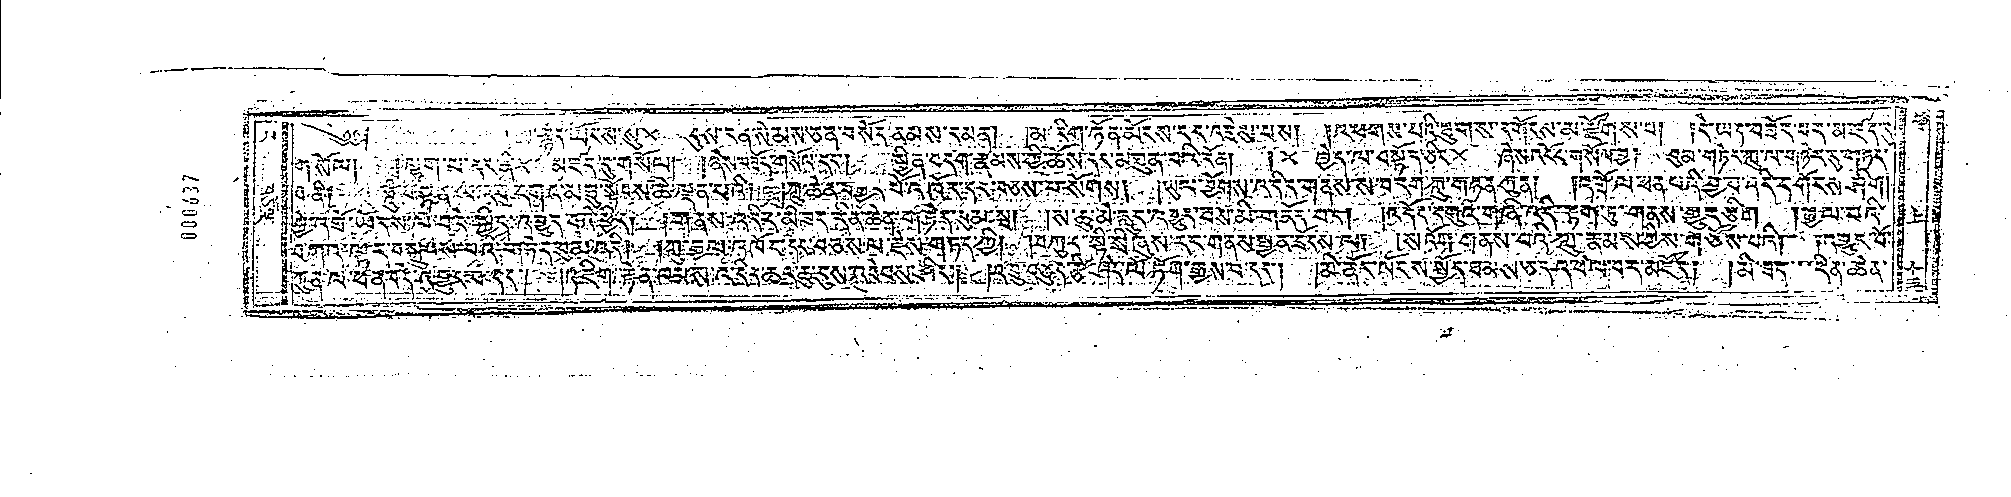༄༅། །མ་རྙེད་ཡོངས་སུ་྾་དུས་ངན་སེམས་ཅན་བསོད་ནམས་དམན། །མ་རིག་ཉོན་མོངས་དང་འདྲེས་པས། །འཕགས་པའི་ཐུགས་དགོངས་མ་རྫོགས་པ། །དེ་ཡང་བཟོད་པར་མཛད་དུ་
གསོལ། །ལྷག་པ་དང་ནི་྾་མཛད་དུ་གསོལ། །ཞེས་བཟོད་གསོལ་དང་། སྦྱིན་བདག་རྣམས་ཀྱི་ཆོས་དང་མཐུན་བའི་དོན། ྾་ཁྱེད་ལ་བསྟོད་ཅིང་྾་ཞེས་འདོད་གསོལ་བྱ། བུམ་གཏེར་ཀླུ་ལ་གཉེར་དུ་གཏང་
བ་ནི། ཧཱུཾ་བསྟན་ལ་རབ་དགའ་མཐུ་སྟོབས་ཆེ་ལྡན་པའི། །ཀླུ་ཆེན་བརྒྱད་པོ་འཁོར་དང་བཅས་པ་སོགས། །ཡུལ་ཕྱོགས་འདིར་གནས་ས་བདག་ཀླུ་གཉན་ཀུན། །འགྲོ་ལ་ཕན་པའི་བྱ་བ་འདི་དགོངས་ཤིག།
སྐྱེ་འགྲོ་ཡོངས་ལ་བདེ་སྐྱིད་འབྱུང་བའི་ཕྱིར། །གནས་འདིར་མི་ཟད་རིན་ཆེན་གཏེར་བུམ་སྤ། །ས་ཆུ་མེ་རླུང་འབྱུང་བས་མི་གནོད་པར། །འདོད་དགུའི་གཞི་འདི་རྟག་ཏུ་གནས་གྱུར་ཅིག །རྒྱལ་བའི་
བཀའ་ལྟར་བསྒྲུབས་པའི་གཏེར་བུམ་འདི། །ཀླུ་རྒྱལ་འཁོར་དང་བཅས་ལ་རྗེས་གཏད་ཀྱི། །བཀུར་སྟི་སྲི་ཞུས་རང་གནས་སྤྱན་དྲོངས་ལ། །ས་འོག་གནས་པའི་ཀླུ་རྣམས་ཀྱིས་གཙོས་པའི། །འབྱུང་བོ་
ཀུན་ལ་ཕན་བདེ་འབྱུང་བ་དང་། །འཇིག་རྟེན་ཁམས་འདིར་ཆར་ཆུ་དུས་འབེབས་ཤིང་། །འབྲུ་བཅུད་རྩི་ཤེད་ལོ་ཏོར་རྒྱས་པ་དང་། །མི་ནོར་ལོངས་སྤྱོད་ཐམས་ཅད་འཕེལ་བར་མཛོད། །མི་ཟད་རིན་ཆེན་